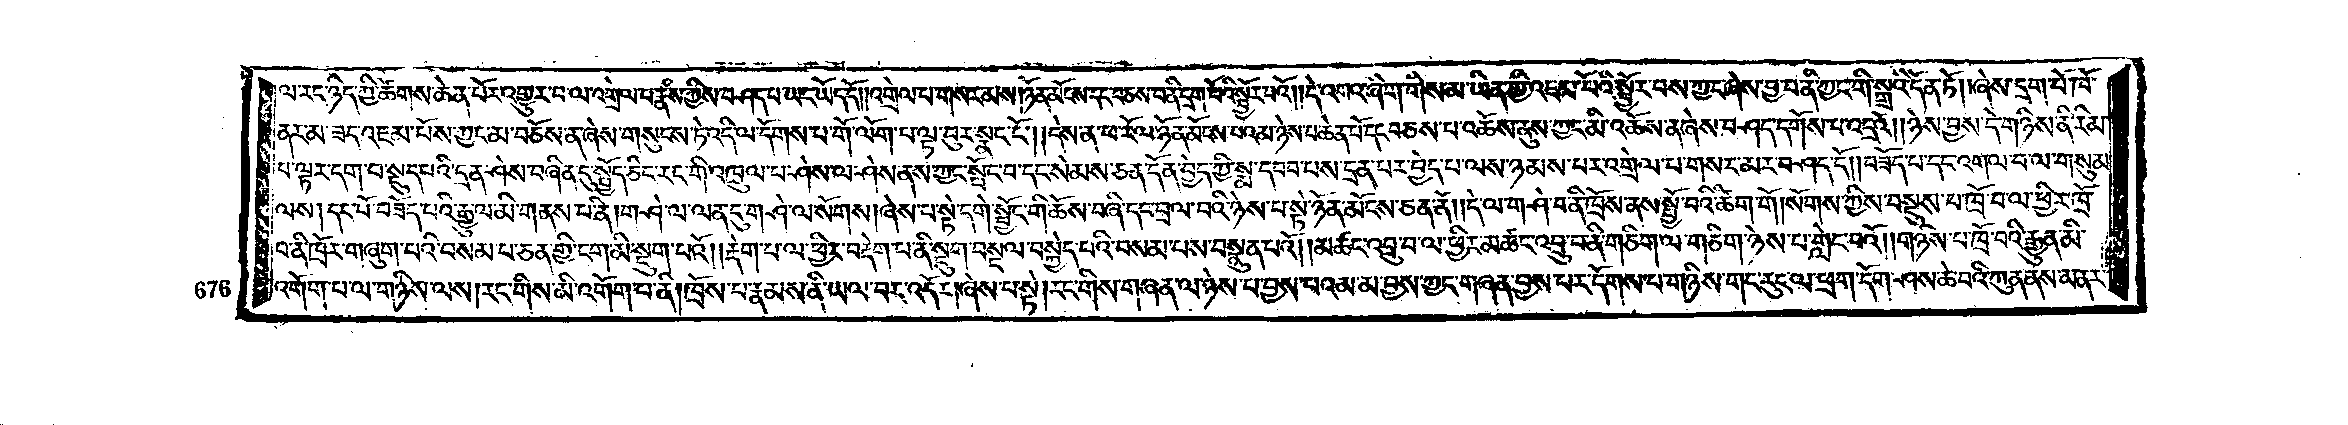ལ་རང་ཉིད་ཀྱི་ཚོགས་ཆེན་པོར་འགྱུར་བ་ལ་འགྲེལ་པ་རྣཾས་ཀྱིས་བཤད་པ་ཡང་ཡོད་དོ། །འགྲེལ་པ་གསར་མས། ཉོན་མོངས་དང་བཅས་པ་ནི་དྲག་པོའི་སྦྱོར་པའོ། །དེ་འགའ་ཞིག་གིས་མ་ཡིན་གྱི་འཇམ་པོའི་སྦྱོར་བས་ཀྱང་ཞེས་བྱ་བ་ནི་ཀྱང་གི་སྒྲའི་དོན་ཏོ། །ཞེས་དྲག་པོ་ཁོ་
ནར་མ་ཟད་འཇམ་པོས་ཀྱང་མ་བཅོས་ན་ཞེས་གསུངས་ཏེ་འདི་ལ་དོགས་པ་གོ་ལོག་པ་ལྟ་བུར་སྣང་ངོ། །དེས་ན་ཕ་རོལ་ཉོན་མོངས་པའམ་ཉེས་པ་ཆེན་པོ་དང་བཅས་པ་འཆོས་ནུས་ཀྱང་མི་འཆོས་ན་ཞེས་བཤད་དགོས་པ་འདྲའོ། །ཉེས་བྱས་དེ་གཉིས་ནི་རིམ་
པ་ལྟར་དག་པ་སྡུད་པའི་དྲན་ཤེས་བཞིན་དུ་སྤྱོད་ཅིང་རང་གི་འཁྲུལ་པ་ཤེས་ལ་ཤེས་ནས་ཀྱང་སྤོང་བ་དང་སེམས་ཅན་དོན་བྱེད་ཀྱི་སྨ་དབབ་པས་དྲན་པར་བྱེད་པ་ལས་ཉམས་པར་འགྲེལ་པ་གསར་མར་བཤད་དོ། །བཟོད་པ་དང་འགལ་བ་ལ་གསུམ་
ལས། དང་པོ་བཟོད་པའི་རྒྱུ་ལ་མི་གནས་པ་ནི། གཤེ་ལ་ལན་དུ་གཤེ་ལ་སོགས། ཞེས་པ་སྟེ་དགེ་སྦྱོང་གི་ཆོས་བཞི་དང་བྲལ་བའི་ཉེས་པ་སྟེ་ཉོན་མོངས་ཅན་ནོ། །དེ་ལ་གཤེ་བ་ནི་ཁྲོས་ནས་སྤྱོ་བའི་ཚིག་གོ །སོགས་ཀྱིས་བསྡུས་པ་ཁྲོ་བ་ལ་ཕྱིར་ཁྲོ་
བ་ནི་ཁྲོར་གཞུག་པའི་བསམ་པ་ཅན་གྱི་ངག་མི་སྡུག་པའོ། །རྡེག་པ་ལ་ཕྱིར་བརྡེག་པ་ནི་སྡུག་བསྔལ་བསྐྱེད་པའི་བསམ་པས་བསྣུན་པའོ། །མཚང་འབྲུ་བ་ལ་ཕྱིར་མཚང་འབྲུ་བ་ནི་གཅིག་ལ་གཅིག་ཉེས་པ་གླེང་བའོ། །གཉིས་པ་ཁྲོ་བའི་རྒྱུན་མི་
འགོག་པ་ལ་གཉིས་ལས། རང་གིས་མི་འགོག་པ་ནི། ཁྲོས་པ་རྣམས་ནི་ཡལ་བར་འདོར། ཞེས་པ་སྟེ། རང་གིས་གཞན་ལ་ཉེས་པ་བྱས་པའམ་མ་བྱས་ཀྱང་གཞན་བྱས་པར་དོགས་པ་གཉིས་གང་རུང་ལ་ཕྲག་དོག་ཤས་ཆེ་བའི་ཀུན་ནས་མནར་